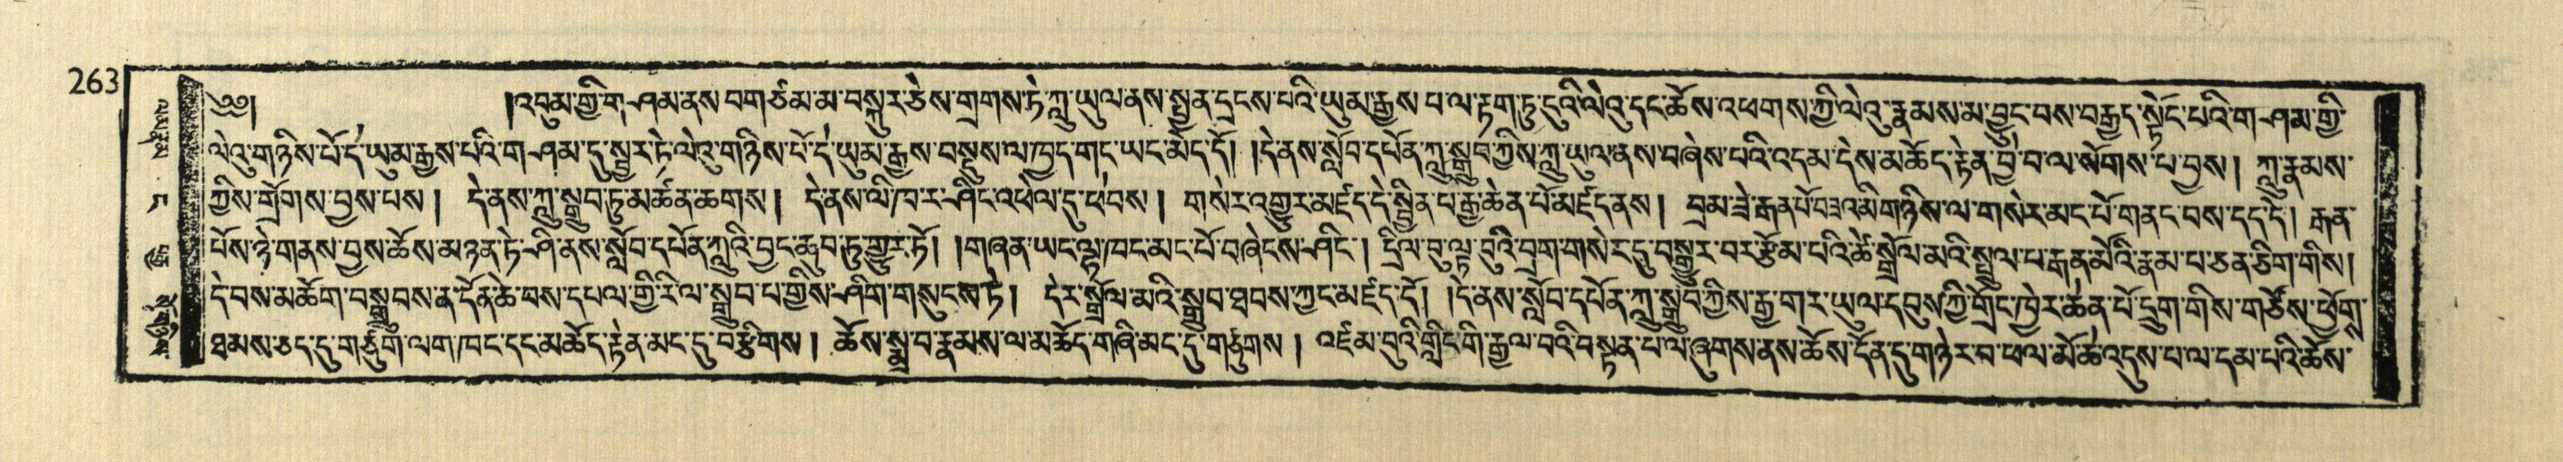༄༅། །འབུམ་གྱི་གཤམ་ནས་བག་ཙམ་མ་བསྐུར་ཅེས་གྲགས་ཏེ་ཀླུ་ཡུལ་ནས་སྤྱན་དྲངས་པའི་ཡུམ་རྒྱས་པ་ལ་རྟག་ཏུ་དུའི་ལེའུ་དང་ཆོས་འཕགས་ཀྱི་ལེའུ་རྣམས་མ་བྱུང་བས་བརྒྱད་སྟོང་པའི་གཤམ་གྱི་
ལེའུ་གཉིས་པོ་དེ་ཡུམ་རྒྱས་པའི་གཤམ་དུ་སྦྱར་ཏེ་ལེའུ་གཉིས་པོ་དེ་ཡུམ་རྒྱས་བསྡུས་ལ་ཁྱད་གང་ཡང་མེད་དོ། །དེ་ནས་སློབ་དཔོན་ཀླུ་སྒྲུབ་ཀྱིས་ཀླུ་ཡུལ་ནས་བཞེས་པའི་འདམ་དེས་མཆོད་རྟེན་བྱེ་བ་ལ་སོགས་པ་བྱས། ཀླུ་རྣམས་
ཀྱིས་གྲོགས་བྱས་པས། དེ་ནས་ཀླུ་སྒྲུབ་ཏུ་མཚན་ཆགས། དེ་ནས་ལི་ཁ་ར་ཤིང་འཕེལ་དུ་ཕེབས། གསེར་འགྱུར་མཛད་དེ་སྦྱིན་པ་རྒྱ་ཆེན་པོ་མཛད་ནས། བྲམ་ཟེ་རྒན་པོ་བཟའ་མི་གཉིས་ལ་གསེར་མང་པོ་གནང་བས་དད་དེ། རྒན་
པོས་ཉེ་གནས་བྱས་ཆོས་མཉན་ཏེ་ཤི་ནས་སློབ་དཔོན་ཀླུའི་བྱང་ཆུབ་ཏུ་གྱུར་ཏོ། །གཞན་ཡང་ལྷ་ཁང་མང་པོ་བཞེངས་ཤིང་། དྲིལ་བུ་ལྟ་བུའི་བྲག་གསེར་དུ་བསྒྱུར་བར་རྩོམ་པའི་ཚེ་སྒྲོལ་མའི་སྤྲུལ་པ་རྒན་མོའི་རྣམ་པ་ཅན་ཅིག་གིས།
དེ་བས་མཆོག་བསྒྲུབས་ན་དོན་ཆེ་བས་དཔལ་གྱི་རི་ལ་སྒྲུབ་པ་གྱིས་ཤིག་གསུངས་ཏེ། དེར་སྒྲོལ་མའི་སྒྲུབ་ཐབས་ཀྱང་མཛད་དོ། །དེ་ནས་སློབ་དཔོན་ཀླུ་སྒྲུབ་ཀྱིས་རྒྱ་གར་ཡུལ་དབུས་ཀྱི་གྲོང་ཁྱེར་ཆེན་པོ་དྲུག་གིས་གཙོས་ཕྱོགས་
ཐམས་ཅད་དུ་གཙུག་ལག་ཁང་དང་མཆོད་རྟེན་མང་དུ་བརྩིགས། ཆོས་སྨྲ་བ་རྣམས་ལ་མཆོད་གཞི་མང་དུ་གཙུགས། འཛམ་བུའི་གླིང་གི་རྒྱལ་བའི་བསྟན་པ་ལ་ཞུགས་ནས་ཆོས་དོན་དུ་གཉེར་བ་ཕལ་མོ་ཆེ་འདུས་པ་ལ་དམ་པའི་ཆོས་